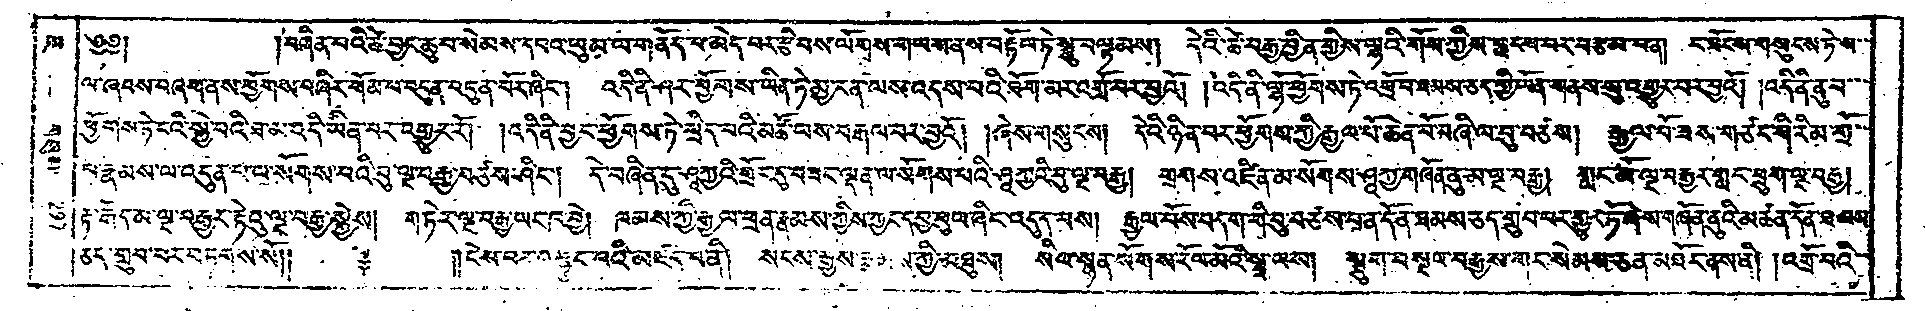༄༅། །བཞིན་པའི་ཚེ་བྱང་ཆུབ་སེམས་དཔའ་ཡུམ་ལ་གནོད་པ་མེད་པར་རྩིབས་ལོགས་གཡས་ནས་བརྟོལ་ཏེ་སྐུ་བལྟམས། དེའི་ཚེ་བརྒྱ་བྱིན་གྱིས་ལྷའི་གོས་ཀྱིས་བླངས་པར་བརྩམ་པ་ན། ང་ཐོངས་གསུངས་ཏེ་ས་
ལ་ཞབས་བཞག་ནས་ཕྱོགས་བཞིར་གོམ་པ་བདུན་བདུན་བོར་ཞིང་། འདི་ནི་ཤར་ཕྱོགས་ཡིན་ཏེ་མྱ་ངན་ལས་འདས་པའི་ཐོག་མར་འགྲོ་བར་བྱའོ། །འདི་ནི་ལྷོ་ཕྱོགས་ཏེ་འགྲོ་བ་ཐམས་ཅད་ཀྱི་ཡོན་གནས་སུ་འགྱུར་བར་བྱའོ། །འདི་ནི་ནུབ་
ཕྱོགས་ཏེ་ངའི་སྐྱེ་བའི་ཐ་མ་འདི་ཡིན་པར་འགྱུར་རོ། །འདི་ནི་བྱང་ཕྱོགས་ཏེ་སྲིད་པའི་མཚོ་ལས་བརྒལ་བར་བྱའོ། །ཞེས་གསུངས། དེའི་ཉིན་པར་ཕྱོགས་ཀྱི་རྒྱལ་པོ་ཆེན་པོ་བཞི་ལ་བུ་བཙས། རྒྱལ་པོ་ཟས་གཙང་གི་རིམ་གྲོ་
པ་རྣམས་ལ་འདུན་པ་ལ་སོགས་པའི་བུ་ལྔ་བརྒྱ་བཙས་ཤིང་། དེ་བཞིན་དུ་ཤཱཀྱའི་གྲོང་དུ་བཟང་ལྡན་ལ་སོགས་པའི་ཤཱཀྱའི་བུ་ལྔ་བརྒྱ། གྲགས་འཛིན་མ་སོགས་ཤཱཀྱ་གཞོན་ནུ་མ་ལྔ་བརྒྱ། གླང་མོ་ལྔ་བརྒྱར་གླང་ཕྲུག་ལྔ་བརྒྱ།
རྟ་རྒོད་མ་ལྔ་བརྒྱར་རྟེའུ་ལྔ་བརྒྱ་སྐྱེས། གཏེར་ལྔ་བརྒྱ་ཡང་ཁ་བྱེ། ཁམས་ཀྱི་རྒྱལ་ཕྲན་རྣམས་ཀྱིས་ཀྱང་དཔྱ་ཕུལ་ཞིང་འདུད་པས། རྒྱལ་པོས་བདག་གི་བུ་བཙས་པ་ན་དོན་ཐམས་ཅད་གྲུབ་པར་གྱུར་ཏོ་ཞེས་གཞོན་ནུའི་མཚན་དོན་ཐམས་
ཅད་གྲུབ་པར་བཏགས་སོ།། ༈ །།ངེས་པར་འབྱུང་བའི་མཛད་པ་ནི། སངས་རྒྱས་རྣམས་ཀྱི་མཐུས། སིལ་སྙན་སོགས་རོལ་མོའི་སྒྲ་ལས། སྡུག་བསྔལ་བརྒྱས་གང་སེམས་ཅན་མཐོང་ནས་ནི། །འགྲོ་བའི་